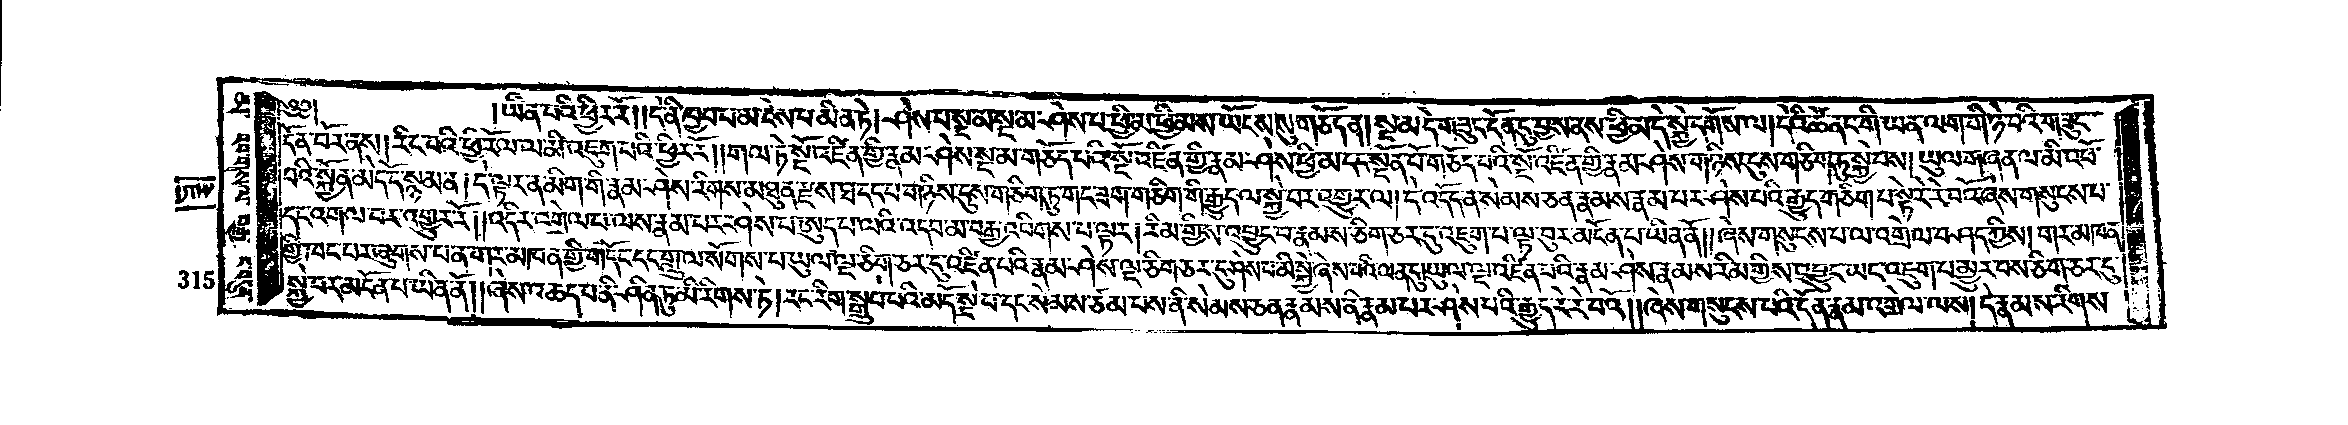༄༅། །ཡིན་པའི་ཕྱིར་རོ། །དེ་ནི་ཁྱབ་པ་མ་ངེས་པ་མིན་ཏེ། ཤེས་པ་སྔ་མ་སྔ་མ་ཤེས་པ་ཕྱི་མ་ཕྱི་མས་ཡོངས་སུ་གཅོད་ན། སྔ་མ་དེ་གཟུང་དོན་དུ་བྱས་ནས་ཕྱི་མ་དེ་སྐྱེ་དགོས་ལ། དེའི་ཚེ་ནང་གི་ཡན་ལག་གི་ཉེ་བའི་གཟུང་
དོན་བོར་ནས། རིང་བའི་ཕྱི་རོལ་ལ་མི་འཇུག་པའི་ཕྱིར་རོ། །གལ་ཏེ་སྔོ་འཛིན་གྱི་རྣམ་ཤེས་སྔ་མ་གཅོད་པའི་སྔོ་འཛིན་གྱི་རྣམ་ཤེས་ཕྱི་མ་དང་སྔོན་པོ་གཅོད་པའི་སྔོ་འཛིན་གྱི་རྣམ་ཤེས་གཉིས་དུས་གཅིག་ཏུ་སྐྱེ་བས། ཡུལ་གཞན་ལ་མི་འཕོ་
བའི་སྐྱོན་མེད་དོ་སྙམ་ན། དེ་ལྟར་ན་མིག་གི་རྣམ་ཤེས་རིགས་མཐུན་རྫས་ཐ་དད་པ་གཉིས་དུས་གཅིག་ཏུ་གང་ཟག་གཅིག་གི་རྒྱུད་ལ་སྐྱེ་བར་འགྱུར་ལ། དེ་འདོད་ན་སེམས་ཅན་རྣམས་རྣམ་པར་ཤེས་པའི་རྒྱུད་གཅིག་པ་སྟེ་རེ་རེ་བའོ་ཞེས་གསུངས་པ་
དང་འགལ་བར་འགྱུར་རོ། །འདིར་འགྲེལ་པ་ལས་རྣམ་པར་ཤེས་པ་ཨུད་པ་ལའི་འདབ་མ་བརྒྱ་འབིགས་པ་ལྟར། རིམ་གྱིས་འབྱུང་བ་རྣམས་ཅིག་ཅར་དུ་འཇུག་པ་ལྟ་བུར་མངོན་པ་ཡིན་ནོ། །ཞེས་གསུངས་པ་ལ་འགྲེལ་བཤད་ཀྱིས། གར་མཁན་
གྱི་ཁང་པར་ཞུགས་པ་ན་གར་མཁན་གྱི་གདོང་དང་གླུ་ལ་སོགས་པ་ཡུལ་ལྔ་ཅིག་ཅར་དུ་འཛིན་པའི་རྣམ་ཤེས་ལྔ་ཅིག་ཅར་དུ་ཤེས་པ་མི་སྐྱེ་ཞེས་པའི་ལན་དུ། ཡུལ་ལྔ་འཛིན་པའི་རྣམ་ཤེས་རྣམས་རིམ་གྱིས་འབྱུང་ཡང་འཇུག་པ་མྱུར་བས་ཅིག་ཅར་དུ་
སྐྱེ་བར་མངོན་པ་ཡིན་ནོ། །ཞེས་འཆད་པ་ནི་ཤིན་ཏུ་མི་རིགས་ཏེ། རང་རིག་སྒྲུབ་པའི་མདོ་སྡེ་པ་དང་སེམས་ཙམ་པས་ནི་སེམས་ཅན་རྣམས་ནི་རྣམ་པར་ཤེས་པའི་རྒྱུད་རེ་རེ་བའོ། །ཞེས་གསུངས་པའི་དོན་རྣམ་འགྲེལ་ལས། དེ་རྣམས་རིགས་